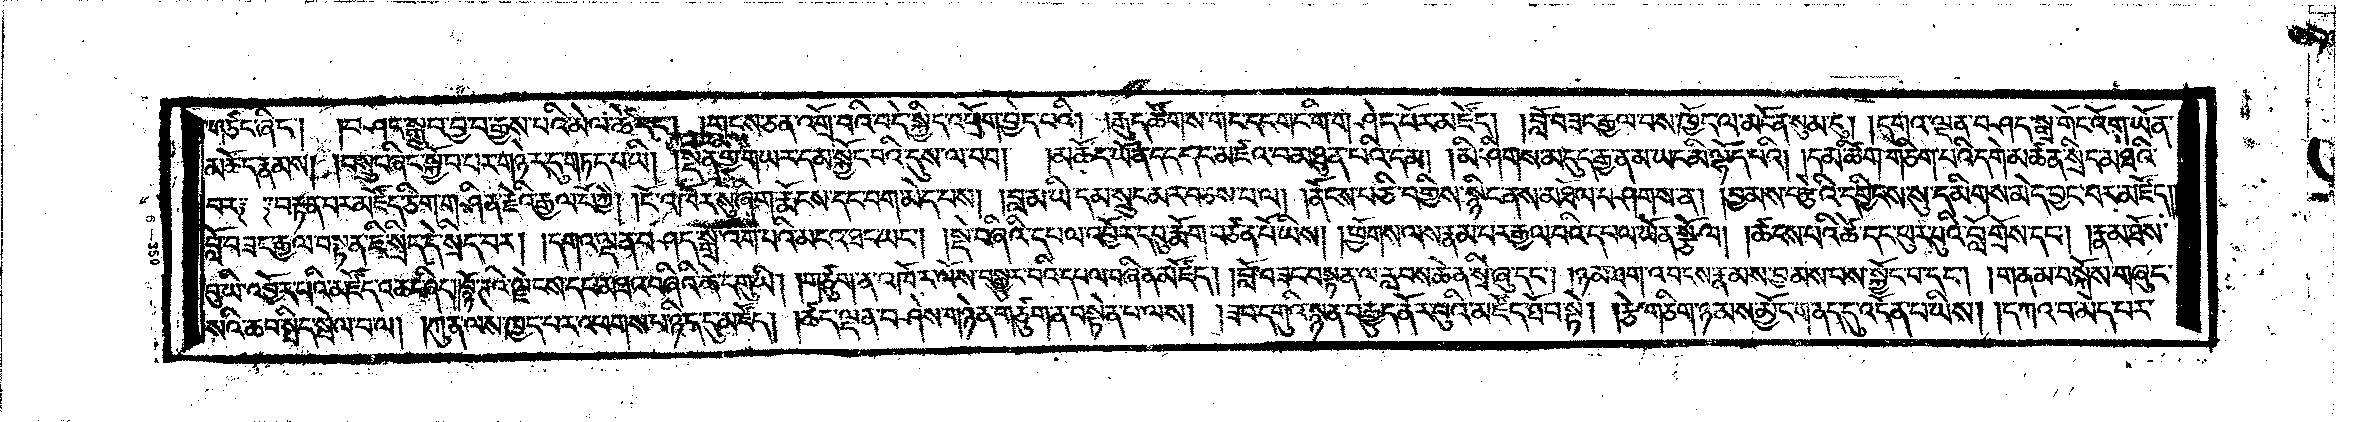གཙང་ཞིང་། །བཤད་སྒྲུབ་བྱ་བ་རྒྱས་པའི་མེལ་ཚེ་དང་། །གངས་ཅན་འགྲོ་བའི་བདེ་སྐྱིད་འཕྲོག་བྱེད་པའི། །རྒུད་ཚོགས་གང་དང་གང་གི་གཤེད་པོར་མཛོད། །བློ་བཟང་རྒྱལ་བས་ཁྱོད་ལ་མངོན་སུམ་དུ། །དགའ་ལྡན་བཤད་སྒྲ་གོང་འོག་ཡོན་
མཆོད་རྣམས། །བསྲུང་ཞིང་སྐྱོབ་པར་གཉེར་དུ་གཏད་པ་ཡི། །སྡིན་གྱི་གཡར་དམ་སྐྱོང་བའི་དུས་ལ་བབ། །མཆོད་ཡོན་དད་དང་མཛའ་བ་མཐུན་པའི་དམ། །མི་ཤིགས་མདུད་རྒྱ་ནམ་ཡང་མི་ལྷོད་པའི། །དམ་ཚིག་གཅིག་པའི་དགེ་མཚན་སྲིད་མཐའི་
བར༑ ༑བརྟན་པར་མཛོད་ཅིག་གཤིན་རྗེའི་རྒྱལ་པོ་ཀྱཻ། །ངོ་འཁོར་སུ་ཞིག་རྨོངས་དང་བག་མེད་པས། །བླ་མ་ཡི་དམ་སྲུང་མར་བཅས་པ་ལ། །ནོངས་པ་ཅི་དགྱིས་སྙིང་ནས་མ་ཐོས། བཤགས་ནས། བྱམས་བརྩེའི་དབྱིངས་སུ་དམིགས་མེད་བྱང་བར་མཛོད།
བློ་བཟང་རྒྱལ་བསྟན་ཇི་སྲིད་དེ་སྲིད་བར། །དགའ་ལྡན་བཤད་སྒྲ་འག་པའི་མངའ་ཐང་ཡང་། །སྡེ་བཞིའི་དཔལ་འབྱོར་དབུ་རྨོག་བཙན་པོ་ཡིས། །ཕྱོགས་ལས་རྣམ་པར་རྒྱལ་བའི་དཔལ་ཡོན་སྩོལ། །ཚངས་པའི་ཚེ་དང་ཕུར་པུའི་བློ་གྲོས་དང་། །རྣམ་ཐོས་
པུ་ཡི་འབྱོར་པའི་མཛོད་འཆང་ཞིང་། །བྙོ་ཊའི་ལྗེངས་དང་མཐའ་བཞིའི་ཆེ་དགུ་ཡི། །གཙུག་ན་འཁོར་ལོས་བསྒྱུར་བའི་དཔལ་བཞིན་མཛོད། །བློ་བཟང་བསྟན་ལ་རླབས་ཆེན་སྲི་ཞུ་དང་། །ཉམ་ཐག་འབངས་རྣམས་བྱམས་པས་སྐྱོང་པ་དང་། །གནམ་བསྐྱོས་གཞུང་
སའི་ཆབ་སྤིད་སྤེལ་པ་ལ། །ཀུན་ལས་ཁྱད་པར་འཕགས་པ་ཉིད་དུ་མཛོད། །ཚད་ལྡན་བཤེས་གཉེན་གཙུག་ན་བསྟེན་པ་ལས། །ཟབ་དགུའི་སྙན་བརྒྱུད་ནོར་བུའི་མཛོད་ཐོབ་སྟེ། །རྩེ་གཅིག་ཉམས་མྱོང་གནད་དུ་འདོན་པ་ཡིས། །དཀའ་བ་མད་པ་